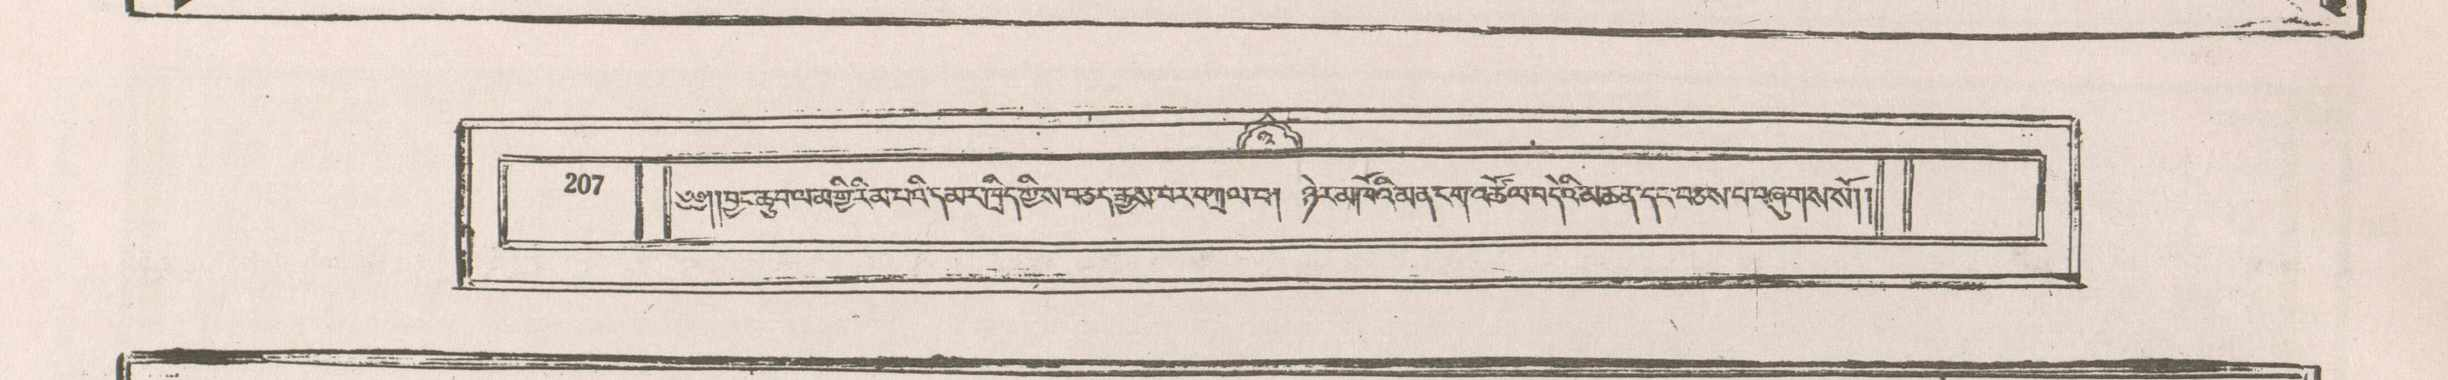༄༅། །བྱང་ཆུབ་ལམ་གྱི་རིམ་པའི་དམར་ཁྲིད་ཀྱི་ས་བཅད་རྒྱས་པར་བཀྲལ་བ། ཉེར་མཁོའི་མན་ངག་འཚོལ་བདེའི་མཆན་དང་བཅས་པ་བཞུགས་སོ། །